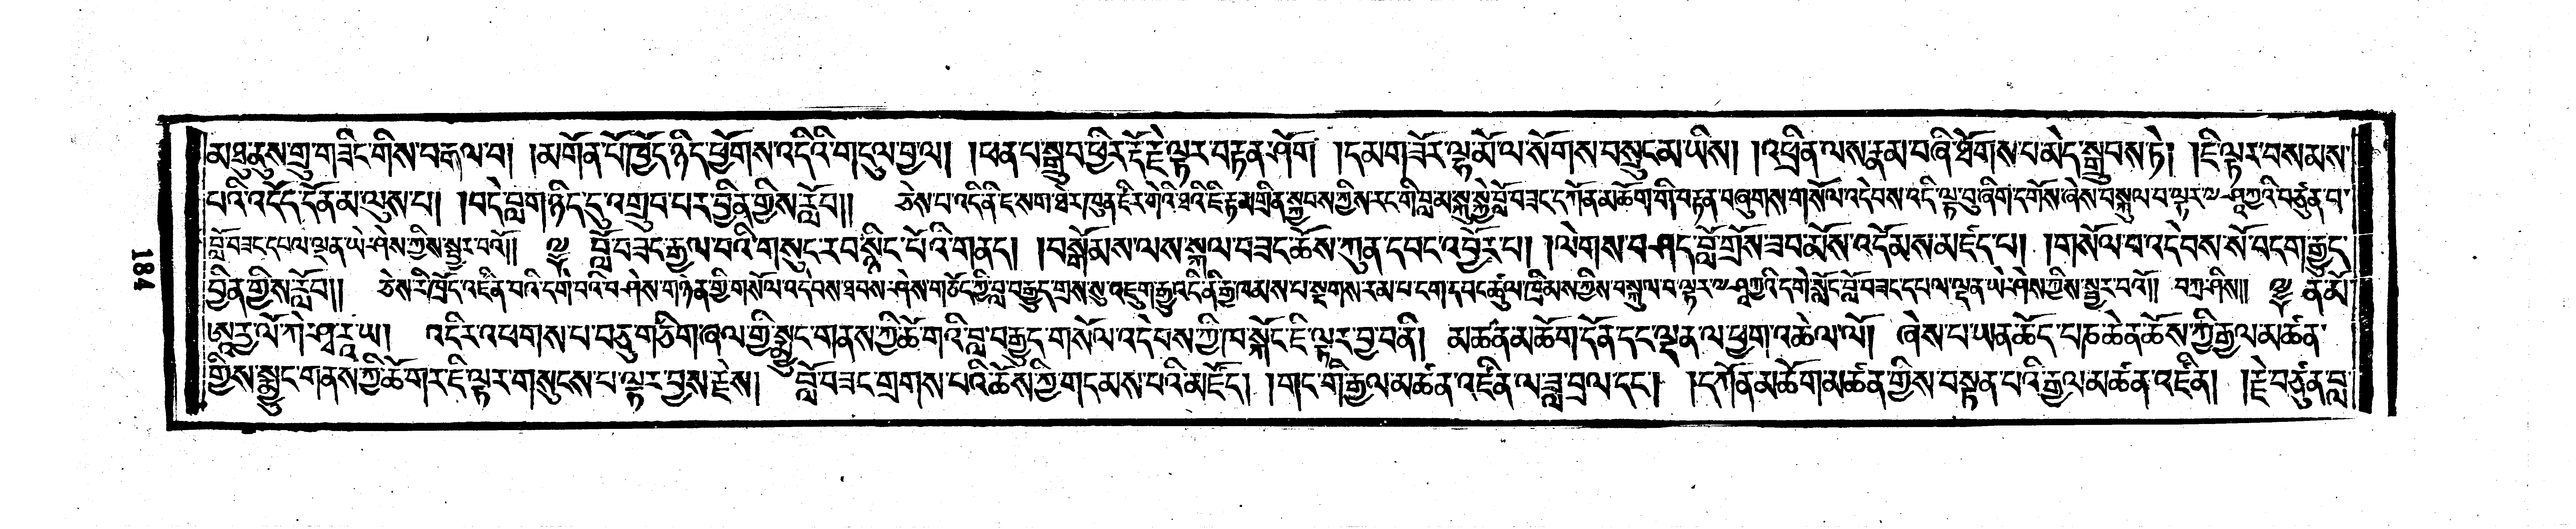མཐུ་ནུས་གྲུ་གཟིང་གིས་བརྒལ་བ། །མགོན་པོ་ཁྱོད་ཉིད་ཕྱོགས་འདིའི་གདུལ་བྱ་ལ། །ཕན་པ་སྒྲུབ་ཕྱིར་རྡོ་རྗེ་ལྟར་བརྟན་ཤོག །དམག་ཟོར་ལྷ་མོ་ལ་སོགས་བསྲུང་མ་ཡིས། །འཕྲིན་ལས་རྣམ་བཞི་ཐོགས་པ་མེད་སྒྲུབས་ཏེ། །ཇི་ལྟར་བསམས་
པའི་འདོད་དོན་མ་ལུས་པ། །བདེ་བླ་གཉིད་དུ་འགྲུབ་པར་བྱིན་གྱིས་རློབ།། ཅེས་པ་འདི་ནི་ཇ་སག་ཐེར་ཁུན་ཛིར་གེའི་ཐའི་ཇི་རྟ་མགྲིན་སྐྱབས་ཀྱིས་རང་གི་བླ་མ་སྐུ་སྐྱེ་བློ་བཟང་དཀོན་མཆོག་གི་བརྟན་བཞུགས་གསོལ་འདེབས་འདི་ལྟ་བུ་ཞིག་དགོས་ཞེས་བསྐུལ་བ་ལྟར་༧་ཤཱཀྱའི་བཙུན་པ་
བློ་བཟང་དཔལ་ལྡན་ཡེ་ཤེས་ཀྱིས་སྦྱར་བའོ།། ༈ བློ་བཟང་རྒྱལ་བའི་གསུང་རབ་སྙིང་པོའི་གནང་། །བསྒོམས་ལས་སྐལ་བཟང་ཆོས་ཀུན་དབང་འབྱོར་པ། །ལེགས་བཤད་བློ་གྲོས་ཟབ་མོས་འདོམས་མཛད་པ། །གསོལ་བ་འདེབས་སོ་བདག་རྒྱུད་
བྱིན་གྱིས་རློབ།། ཅེས་རི་ཁྲོད་འཛིན་པའི་དགེ་བའི་བཤེས་གཉེན་གྱི་གསོལ་འདེབས་ཐབས་ཤེས་གཅོད་ཀྱི་བླ་བརྒྱུད་གྲས་སུ་འཇུག་རྒྱུ་འདི་ནི་རྒྱ་ཁམས་པ་སྔགས་རམ་པ་ངག་དབང་ཚུལ་ཁྲིམས་ཀྱིས་བསྐུལ་བ་ལྟར་༧་ཤཱཀྱའི་དགེ་སློང་བློ་བཟང་དཔལ་ལྡན་ཡེ་ཤེས་ཀྱིས་སྦྱར་བའོ།། བཀྲ་ཤིས།། ༈ ན་མོ་
ཨའྲྱ་ལོ་ཀེ་ཤྭ་རཱ་ཡ། འདིར་འཕགས་པ་བཅུ་གཅིག་ཞལ་གྱི་མྱུང་གནས་ཀྱི་ཆོ་གའི་བླ་བརྒྱུད་གསོལ་འདེབས་ཀྱི་ཁ་སྐོང་ཇི་ལྟར་བྱ་བ་ནི། མཚན་མཆོག་དོན་དང་ལྡན་ལ་ཕྱག་འཆེལ་ལོ། ཞེས་པ་ཡན་ཆོད་པཎ་ཆེན་ཆོས་ཀྱི་རྒྱལ་མཚན་
གྱིས་སྨྱུང་གནས་ཀྱི་ཆོ་གར་ཇི་ལྟར་གསུངས་པ་ལྟར་བྱས་རྗེས། བློ་བཟང་གྲགས་པའི་ཆོས་ཀྱི་གདམས་པའི་མཛོད། །གང་གི་རྒྱལ་མཚན་འཛིན་ལ་ཟླ་བྲལ་དང་། །དཀོན་མཆོག་མཚན་གྱིས་བསྟན་པའི་རྒྱལ་མཚན་འཛིན། །རྗེ་བཙུན་བླ་